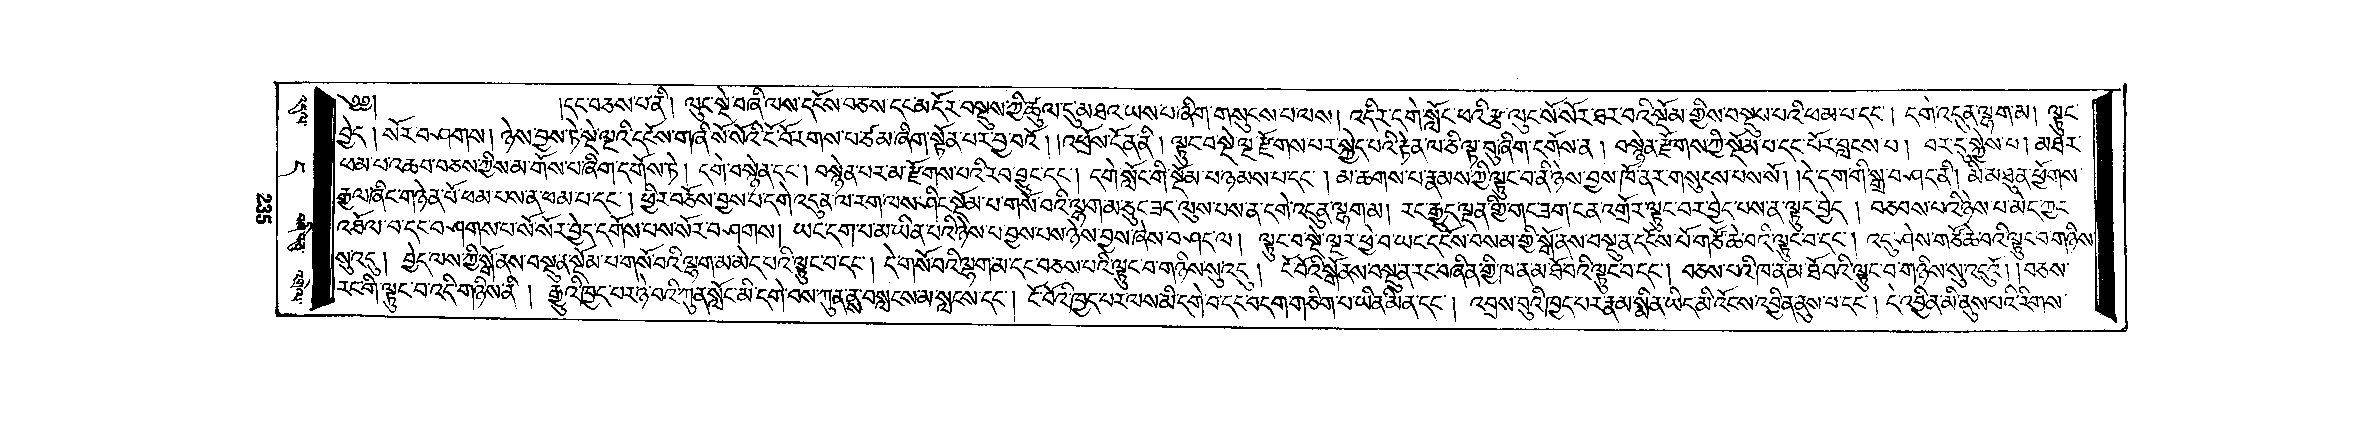༄༅། །དང་བཅས་པ་ནི། ལུང་སྡེ་བཞི་ལས་དངོས་བཅས་དང་མདོར་བསྡུས་ཀྱི་ཚུལ་དུ་མཐའ་ཡས་པ་ཞིག་གསུངས་པ་ལས། འདིར་དགེ་སློང་ཕའི་རྩ་ལུང་སོ་སོར་ཐར་བའི་སྡོམ་གྱིས་བསྡུས་པའི་ཕམ་པ་དང་། དགེ་འདུན་ལྷག་མ། ལྟུང་
བྱེད། སོར་བཤགས། ཉེས་བྱས་ཏེ་སྡེ་ལྔའི་དངོས་གཞི་སོ་སོའི་ངོ་བོ་རགས་པ་ཙམ་ཞིག་སྟོན་པར་བྱ་བའོ། །འཕྲོས་དོན་ནི། ལྟུང་བ་སྡེ་ལྔ་རྫོགས་པར་སྐྱེད་པའི་རྟེན་ལ་ཅི་ལྟ་བུ་ཞིག་དགོས་ན། བསྙེན་རྫོགས་ཀྱི་སྡོམ་པ་དང་པོར་བླངས་པ། བར་དུ་སྐྱེས་པ། མཐར་
ཕམ་པ་འཆབ་བཅས་ཀྱིས་མ་གོས་པ་ཞིག་དགོས་ཏེ། དགེ་བསྙེན་དང་། བསྙེན་པར་མ་རྫོགས་པའི་རབ་བྱུང་དང་། དགེ་སློང་གི་སྡོམ་པ་ཉམས་པ་དང་། མ་ཆགས་པ་རྣམས་ཀྱི་ལྟུང་བ་ནི་ཉེས་བྱས་ཁོ་ནར་གསུངས་པས་སོ། །དེ་དག་གི་སྒྲ་བཤད་ནི། མི་མཐུན་ཕྱོགས་
རྒྱལ་ཞིང་གཉེན་པོ་ཕམ་པས་ན་ཕམ་པ་དང་། ཕྱིར་བཅོས་བྱས་པ་དགེ་འདུན་ལ་རག་ལས་ཤིང་སྡོམ་པ་གསོ་བའི་ལྷག་མ་ཅུང་ཟད་ལུས་པས་ན་དགེ་འདུན་ལྷག་མ། རང་རྒྱུད་ལྡན་གྱི་གང་ཟག་ངན་འགྲོར་ལྟུང་བར་བྱེད་པས་ན་ལྟུང་བྱེད། བཅབས་པའི་ཉེས་པ་མེད་ཀྱང་
འཐོལ་བ་དང་བཤགས་པ་སོ་སོར་བྱེད་དགོས་པས་སོར་བཤགས། ཡང་དག་པ་མ་ཡིན་པའི་ཉེས་པ་བྱས་པས་ཉེས་བྱས་ཞེས་བཤད་ལ། ལྟུང་བ་སྡེ་ལྔར་ཕྱེ་བ་ཡང་དངོས་བསམ་གྱི་སྒོ་ནས་བསྡུ་ན་དངོས་པོ་གཙོ་ཆེ་བའི་ལྟུང་བ་དང་། འདུ་ཤེས་གཙོ་ཆེ་བའི་ལྟུང་བ་གཉིས་
སུ་འདུ། བྱེད་ལས་ཀྱི་སྒོ་ནས་བསྡུ་ན་སྡོམ་པ་གསོ་བའི་ལྷག་མ་མེད་པའི་ལྟུང་བ་དང་། དེ་གསོ་བའི་ལྷག་མ་དང་བཅས་པའི་ལྟུང་བ་གཉིས་སུ་འདུ། ངོ་བོའི་སྒོ་ནས་བསྡུ་ན་རང་བཞིན་གྱི་ཁ་ན་མ་ཐོ་བའི་ལྟུང་བ་དང་། བཅས་པའི་ཁ་ན་མ་ཐོ་བའི་ལྟུང་བ་གཉིས་སུ་འདུའོ། །བཅས་
རང་གི་ལྟུང་བ་འདི་གཉིས་ནི། རྒྱུའི་ཁྱད་པར་ཉེ་བའི་ཀུན་སློང་མི་དགེ་བས་ཀུན་ནས་བསླངས་མ་སླངས་དང་། ངོ་བོའི་ཁྱད་པར་ལས་མི་དགེ་བ་དང་བདག་གཅིག་པ་ཡིན་མིན་དང་། འབྲས་བུའི་ཁྱད་པར་རྣམ་སྨིན་ཡིད་མི་འོངས་འབྱིན་ནུས་པ་དང་། དེ་འབྱིན་མི་ནུས་པའི་རིགས་